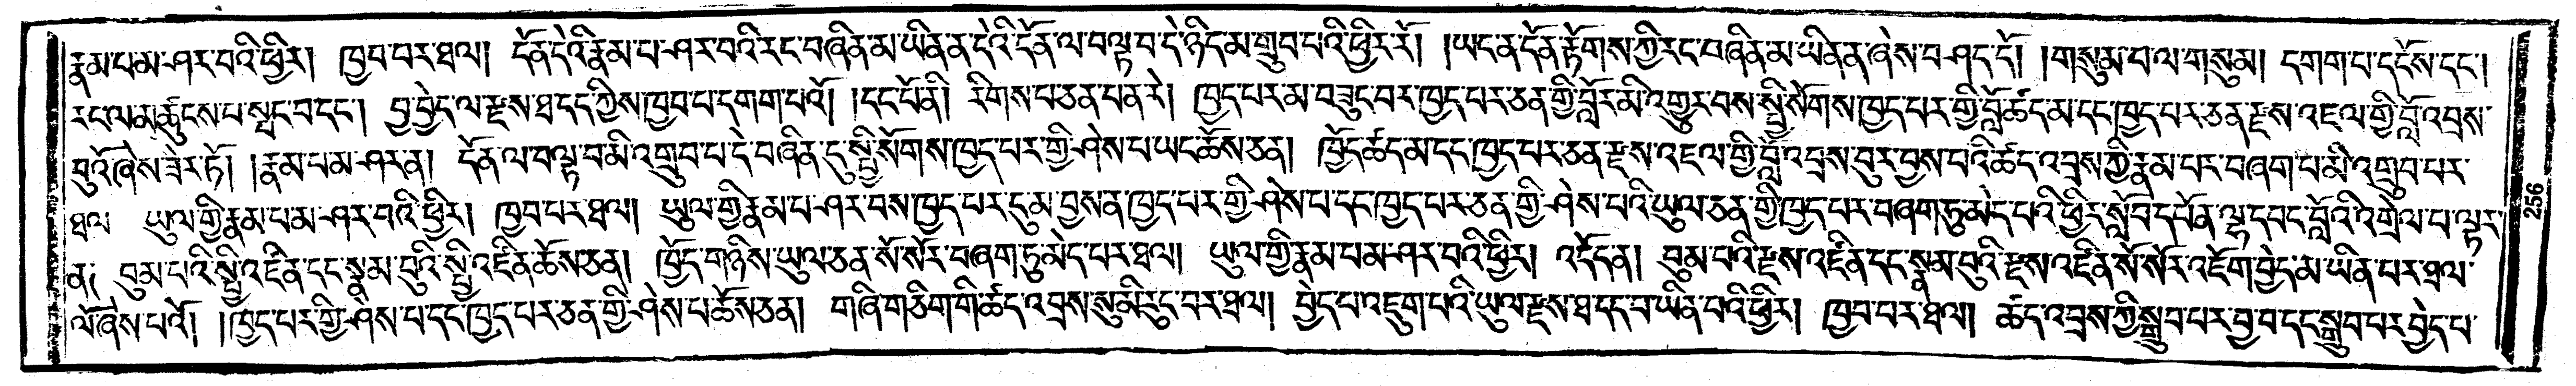རྣམ་པ་མ་ཤར་བའི་ཕྱིར། ཁྱབ་པར་ཐལ། དོན་དེའི་རྣམ་པ་ཤར་བའི་རང་བཞིན་མ་ཡིན་ན་དེའི་དོན་ལ་བལྟ་བ་དེ་ཉིད་མ་གྲུབ་པའི་ཕྱིར་རོ། །ཡང་ན་དོན་རྟོགས་ཀྱི་རང་བཞིན་མ་ཡིན་ན་ཞེས་བཤད་དོ། །གསུམ་པ་ལ་གསུམ། དགག་པ་དངོས་དང་།
རང་ལ་མཚུངས་པ་སྤང་བ་དང་། བྱ་བྱེད་ལ་རྫས་ཐ་དད་ཀྱིས་ཁྱབ་པ་དགག་པའོ། །དང་པོ་ནི། རིགས་པ་ཅན་པ་ན་རེ། ཁྱད་པར་མ་བཟུང་བར་ཁྱད་པར་ཅན་གྱི་བློར་མི་འགྱུར་བས་སྤྱི་སོགས་ཁྱད་པར་གྱི་བློ་ཚད་མ་དང་ཁྱད་པར་ཅན་རྫས་འཇལ་གྱི་བློ་འབྲས་
བུའོ་ཞེས་ཟེར་ཏོ། །རྣམ་པ་མ་ཤར་ན། དོན་ལ་བལྟ་བ་མི་འགྲུབ་པ་དེ་བཞིན་དུ་སྤྱི་སོགས་ཁྱད་པར་གྱི་ཤེས་པ་ཡང་ཆོས་ཅན། ཁྱོད་ཚད་མ་དང་ཁྱད་པར་ཅན་རྫས་འཇལ་གྱི་བློ་འབྲས་བུར་བྱས་པའི་ཚད་འབྲས་ཀྱི་རྣམ་པར་བཞག་པ་མི་འགྲུབ་པར་
ཐལ། ཡུལ་གྱི་རྣམ་པ་མ་ཤར་བའི་ཕྱིར། ཁྱབ་པར་ཐལ། ཡུལ་གྱི་རྣམ་པ་ཤར་བས་ཁྱད་པར་དུ་མ་བྱས་ན་ཁྱད་པར་གྱི་ཤེས་པ་དང་ཁྱད་པར་ཅན་གྱི་ཤེས་པའི་ཡུལ་ཅན་གྱི་ཁྱད་པར་བཞག་ཏུ་མེད་པའི་ཕྱིར་སློབ་དཔོན་ལྷ་དབང་བློའི་འགྲེལ་པ་ལྟར་
ན། བུམ་པའི་སྤྱི་འཛིན་དང་སྣམ་བུའི་སྤྱི་འཛིན་ཆོས་ཅན། ཁྱོད་གཉིས་ཡུལ་ཅན་སོ་སོར་བཞག་ཏུ་མེད་པར་ཐལ། ཡུལ་གྱི་རྣམ་པ་མ་ཤར་བའི་ཕྱིར། འདོད་ན། བུམ་པའི་རྫས་འཛིན་དང་སྣམ་བུའི་རྫས་འཛིན་སོ་སོར་འཇོག་བྱེད་མ་ཡིན་པར་ཐལ་
ལོ་ཞེས་པའོ། །ཁྱད་པར་གྱི་ཤེས་པ་དང་ཁྱད་པར་ཅན་གྱི་ཤེས་པ་ཆོས་ཅན། གཞི་གཅིག་གི་ཚད་འབྲས་སུ་མི་རུང་བར་ཐལ། བྱེད་པ་འཇུག་པའི་ཡུལ་རྫས་ཐ་དད་པ་ཡིན་པའི་ཕྱིར། ཁྱབ་པར་ཐལ། ཚད་འབྲས་ཀྱི་སྒྲུབ་པར་བྱ་བ་དང་སྒྲུབ་པར་བྱེད་པ་